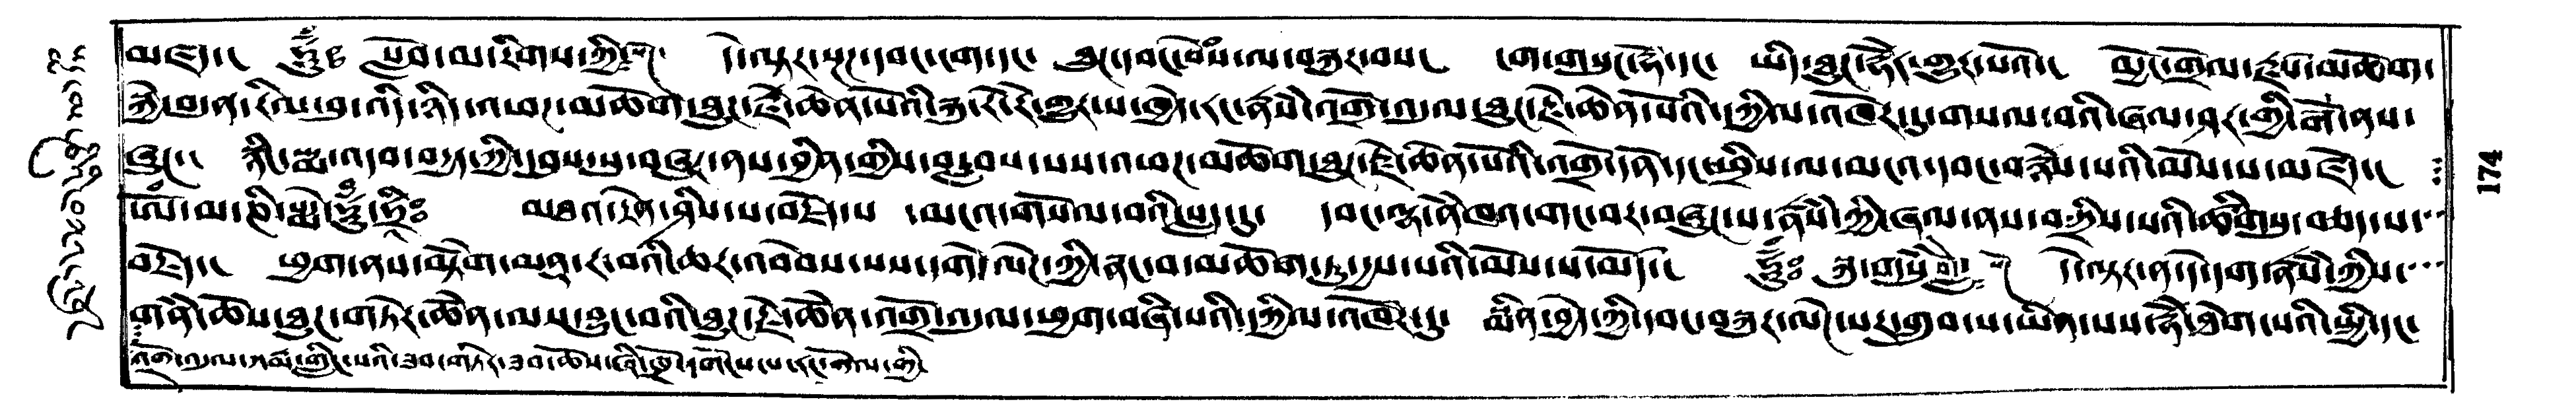མཛོད། ཧཱུྃཿ སློབ་མ་རིགས་ཀྱི༴ སོགས། དེ་ལྟར་སྔགས་དབང་ངག་དང་། ཐུགས་དབང་སེམས་ཅན་ལ་བསྐུར་བས། ངག་གསུང་རྡོ་རྗེ་དང་། ཡིད་ཐུགས་རྡོ་རྗེ་གྱུར་པའོ།། མྱོང་གྲོལ་རྫས་མཆོག་
སྐྱེ་བདུན་རིལ་བུ་འདི་ཉིད་འཕགས་མཆོག་ཐུགས་རྗེ་ཆེན་པོའི་སྐུ་རེ་རེ་གྱུར་པ་ཁྱེད་རང་རྣམས་འགྲོ་འདུལ་ཐུགས་རྗེ་ཆེན་པོའི་དཀྱིལ་འཁོར་དུ་གསལ་བའི་ཞལ་ཤར་གྱི་སྒོ་ནས་
ཞུགས། སྙིང་པདྨ་འདབ་བརྒྱད་ཀྱི་དབུས་སུ་ཞུགས་ནས་བྱིན་གྱིས་བརླབས་པས་འཕགས་མཆོག་ཐུགས་རྗེ་ཆེན་པོའི་འགྲོ་དོན་དང་ཕྲིན་ལས་ལ་མངའ་དབང་བརྙེས་པའི་མོས་པ་མཛོད། 
ཨོཾ་མ་ཎི་པདྨེ་ཧཱུྃ་ཧྲཱིཿ མཐའ་རྟེན་ཤིས་པ་བརྗོད་པ། མངའ་གསོལ་བའི་སླད་དུ། དབང་ལྷ་ནམ་མཁའ་གང་བར་བཞུགས་པ་རྣམས་ཀྱི་ཞལ་ནས་བཀྲ་ཤིས་པའི་ཚིགས་སུ་བཅད་པ་
བརྗོད། ཕྱག་ནས་མེ་ཏོག་མནྡ་ར་བའི་ཆར་འབེབས་པས་དགེ་ལེགས་ཀྱི་སྣང་བ་མཆོག་ཏུ་རྒྱས་པའི་མོས་པ་མཛོད། ཧཱུྃཿ སྐུ་གསུམ་བླ་མ༴ སོགས། དེ་ལྟར་ན་དེ་དག་རྣམས་ཀྱིས་
གནམ་ཆོས་ཐུགས་གཏེར་ཆེན་པོ་ལས་བྱུང་བའི་ཐུགས་རྗེ་ཆེན་པོ་འགྲོ་འདུལ་ཕྱག་བཞི་པའི་དཀྱིལ་འཁོར་དུ། སྨིན་བྱེད་ཀྱི་དབང་བསྐུར་ལེགས་པར་གྲུབ་པ་ཡིན་པས་རྡོ་རྗེ་ཐེག་པའི་སྤྱི་དང་